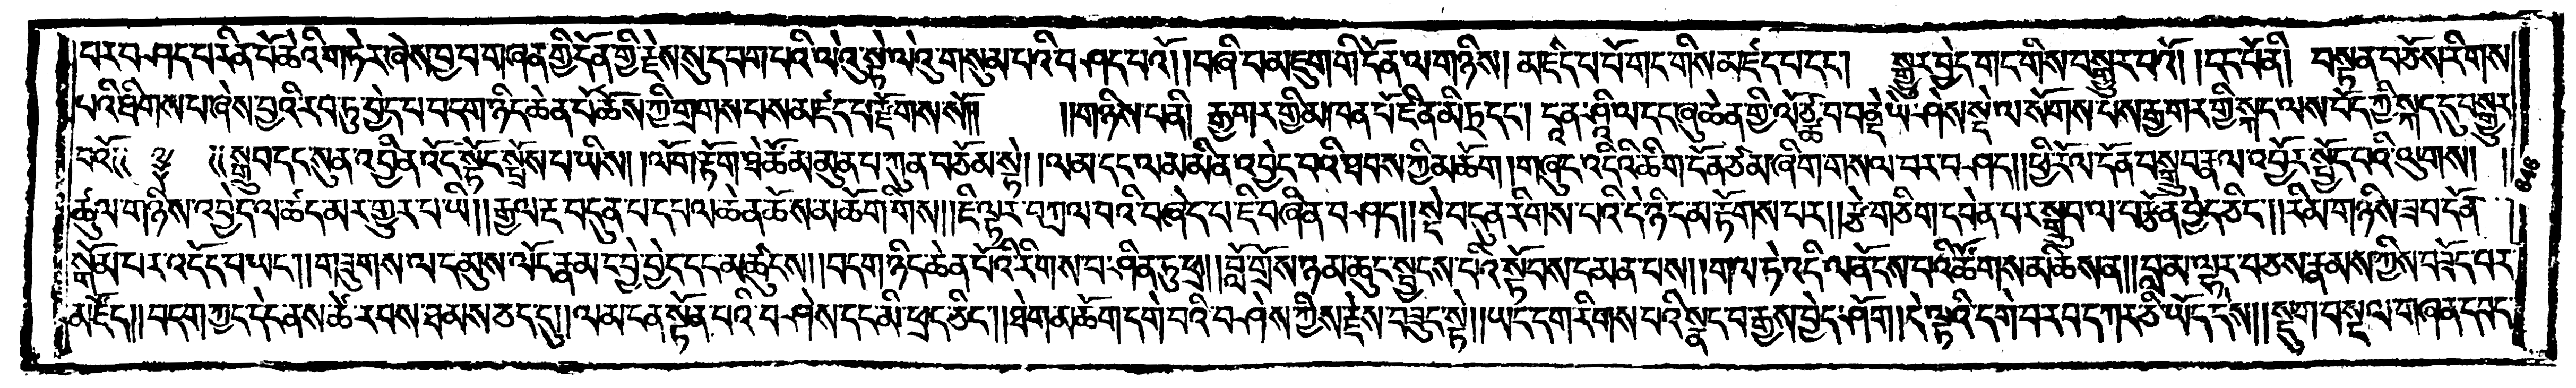པར་བཤད་པ་རིན་པོ་ཆེའི་གཏེར་ཞེས་བྱ་བ་གཞན་གྱི་དོན་གྱི་རྗེས་སུ་དཔག་པའི་ལེའུ་སྟེ་ལེའུ་གསུམ་པའི་བཤད་པའོ། །བཞི་པ་མཇུག་གི་དོན་ལ་གཉིས། མཛད་པ་པོ་གང་གིས་མཛད་པ་དང་། སྒྱུར་བྱེད་གང་གིས་བསྒྱུར་བའོ། །དང་པོ་ནི། བསྟན་བཅོས་རིགས་
པའི་ཐིགས་པ་ཞེས་བྱའི་རབ་ཏུ་བྱེད་པ་བདག་ཉིད་ཆེན་པོ་ཆོས་ཀྱི་གྲགས་པས་མཛད་པ་རྫོགས་སོ།། །།གཉིས་པ་ནི། རྒྱ་གར་གྱི་མཁན་པོ་ཛི་ན་མི་ཏྲ་དང་། དཱ་ན་ཤཱི་ལ་དད་ཞུ་ཆེན་གྱི་ལོ་ཙྪ་བ་བནྡེ་ཡེ་ཤེས་སྡེ་ལ་སོགས་པས་རྒྱ་གར་གྱི་སྐད་ལས་བོད་ཀྱི་སྐད་དུ་བསྒྱུར་
བའོ༑༑ ༈ ༑༑སྒྲུབ་དང་སུན་འབྱིན་འོད་སྟོང་སྤྲོས་པ་ཡིས། །ལོག་རྟོག་ཐེ་ཚོམ་མུན་པ་ཀུན་བཅོམ་སྟེ། །ལམ་དང་ལམ་མིན་འབྱེད་པའི་ཐབས་ཀྱི་མཆོག །གཞུང་འདིའི་ཚིག་དོན་ཙམ་ཞིག་གསལ་བར་བཤད། །ཕྱི་རོལ་དོན་བསྒྲུབ་རྣལ་འབྱོར་སྤྱོད་པའི་ལུགས། །
ཚུལ་གཉིས་འབྱེད་ལ་ཚད་མར་གྱུར་པ་ཡི། །རྒྱལ་རྡ་བདུན་པ་དཔལ་ཆེན་ཆོས་མཆོག་གིས། །ཇི་ལྟར་བཀྲལ་བའི་བཞེད་པ་ཇི་བཞིན་བཤད། །སྡེ་བདུན་རིགས་པའི་དེ་ཉིད་མ་རྟོགས་པར། །རྩེ་གཅིག་དབེན་པར་སྒྲུབ་ལ་བརྩོན་བྱེད་ཅིང་། །རིམ་གཉིས་ཟབ་དོན་
སྒོམ་པར་འདོད་པ་ཡང་། །གཟུགས་ལ་དམུས་ལོང་རྣམ་དབྱེ་བྱེད་དང་མཚུངས། །བདག་ཉིད་ཆེན་པོའི་རིགས་པ་ཤིན་ཏུ་ཕྲ། །བློ་གྲོས་ཉམ་ཆུང་སྦྱངས་པའི་སྟོབས་དམན་པས། །གལ་ཏེ་འདི་ལ་ནོངས་པའི་ཚོགས་མཆིས་ན། །བླ་མ་ལྟར་བཅས་རྣམས་ཀྱིས་བཟོད་པར་
མཛོད། །བདག་ཀྱང་དེང་ནས་ཚེ་རབས་ཐམས་ཅད་དུ། །ལམ་ངན་སྟོན་པའི་བཤེས་དང་མི་ཕྲད་ཅིང་། །ཐེག་མཆོག་དགེ་བའི་བཤེས་ཀྱིས་རྗེས་བཟུང་སྟེ། །ཡང་དག་རིགས་པའི་སྣང་བ་རྒྱས་བྱེད་ཤོག །དེ་ལྟའི་དགེ་བར་བ་དཀར་ཅི་ཡོད་དེས། །སྡུག་བསྔལ་གཞན་དབང་